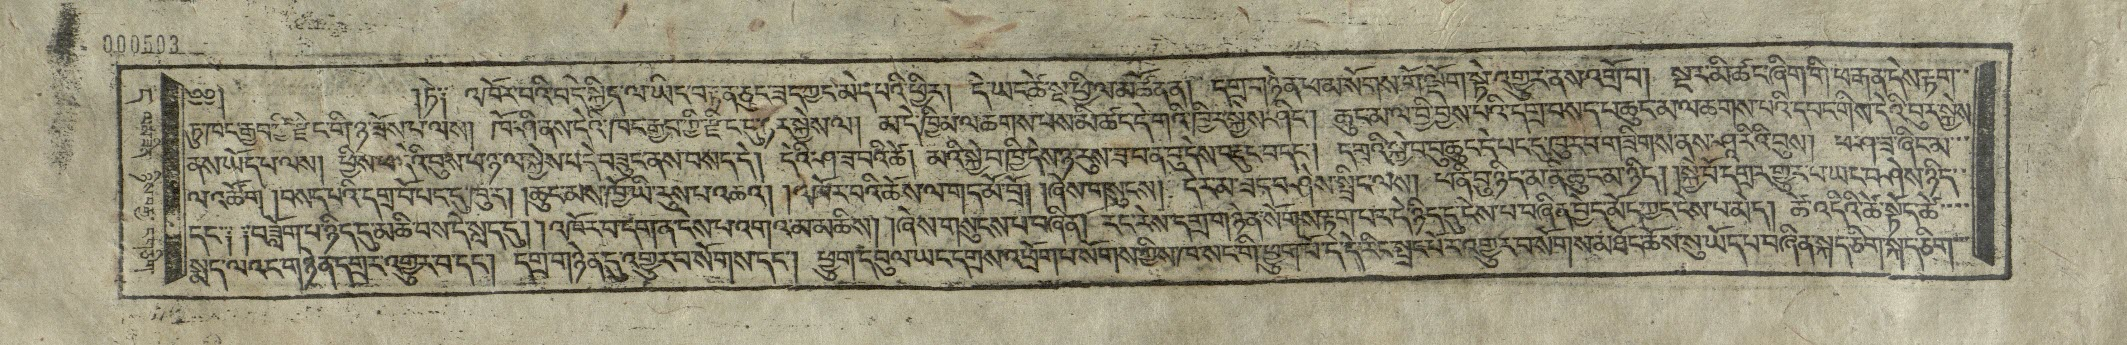༄༅། །ཏེ༑ འཁོར་བའི་བདེ་སྐྱིད་ལ་ཡིད་བརྟན་ཅུང་ཟད་ཀྱང་མེད་པའི་ཕྱིར། དེ་ཡང་ཚེ་སྔ་ཕྱི་ལ་མཚོན་ན། དགྲ་གཉེན་ཕ་མ་སོགས་གོ་ལྡོག་སྟེ་འགྱུར་ནས་འགྲོ་བ། སྔར་མི་ཚང་ཞིག་གི་ཕ་རྒན་དེས་རྟག་
ཏུ་ཁང་རྒྱབ་ཀྱི་རྫིང་གི་ཉ་ཟོས་པ་ལས། ཁོ་ཤི་ནས་དེའི་ཁང་རྒྱབ་ཀྱི་རྫིང་དུ་ཉར་སྐྱེས་ལ། མ་དེ་ཁྱིམ་ལ་ཆགས་པས་མི་ཚང་དེ་གའི་ཁྱིར་སྐྱེས་ཤིང་། ཆུང་མ་ལ་བྱི་བྱས་པའི་དགྲ་བསད་པ་ཆུང་མ་ལ་ཆགས་པའི་དབང་གིས་དེའི་བུར་སྐྱེས་
ནས་ཡོད་པ་ལས། ཕྱིས་ཕ་དེའི་བུས་ཕ་ཉ་ལ་སྐྱེས་པ་དེ་བཟུང་ནས་བསད་དེ། དེའི་ཤ་ཟ་བའི་ཚེ། མའི་སྐྱེ་བ་ཁྱི་དེས་ཉ་རུས་ཟ་བ་ན་བུ་དེས་བརྡུང་བ་དང་། དགྲའི་སྐྱེ་བ་བུ་ཆུང་དེ་པང་དུ་ཁུར་བ་གཟིགས་ནས་ཤཱ་རིའི་བུས། ཕ་ཤ་ཟ་ཞིང་མ་
ལ་འཚོག །བསད་པའི་དགྲ་བོ་པང་དུ་ཁུར། །ཆུང་མས་ཁྱོ་ཡི་རུས་པ་འཆའ། །འཁོར་བའི་ཆོས་ལ་གད་མོ་བྲོ། །ཞེས་གསུངས། དེར་མ་ཟད་བཤེས་སྤྲིང་ལས། ཕ་ནི་བུ་ཉིད་མ་ནི་ཆུང་མ་ཉིད། །སྐྱེ་བོ་དགྲར་གྱུར་པ་ཡང་བཤེས་ཉིད་
དང༑ ༑བཟློག་པ་ཉིད་དུ་མཆི་བས་དེ་སླད་དུ། །འཁོར་བ་དག་ན་ངེས་པ་འགའ་མ་མཆིས། །ཞེས་གསུངས་པ་བཞིན། རང་རེས་དགྲ་གཉེན་སོགས་རྟག་པར་དེ་ཉིད་དུ་ངེས་པ་བཞིན་བྱེད་མོད་ཀྱང་ངེས་པ་མེད། ཚེ་འདིའི་ཚེ་སྟོད་ཚེ་
སྨད་ལའང་གཉེན་དགྲར་འགྱུར་བ་དང་། དགྲ་གཉེན་དུ་འགྱུར་བ་སོགས་དང་། ཕྱུག་དབུལ་ཡང་དགྲས་འཕྲོག་པ་སོགས་ཀྱིས་ཁ་སང་གི་ཕྱུག་པོ་དེ་དེ་རིང་སྤྲང་པོར་འགྱུར་བ་སོགས་མཐོང་ཆོས་སུ་ཡོད་པ་བཞིན་སྐད་ཅིག་སྐད་ཅིག་